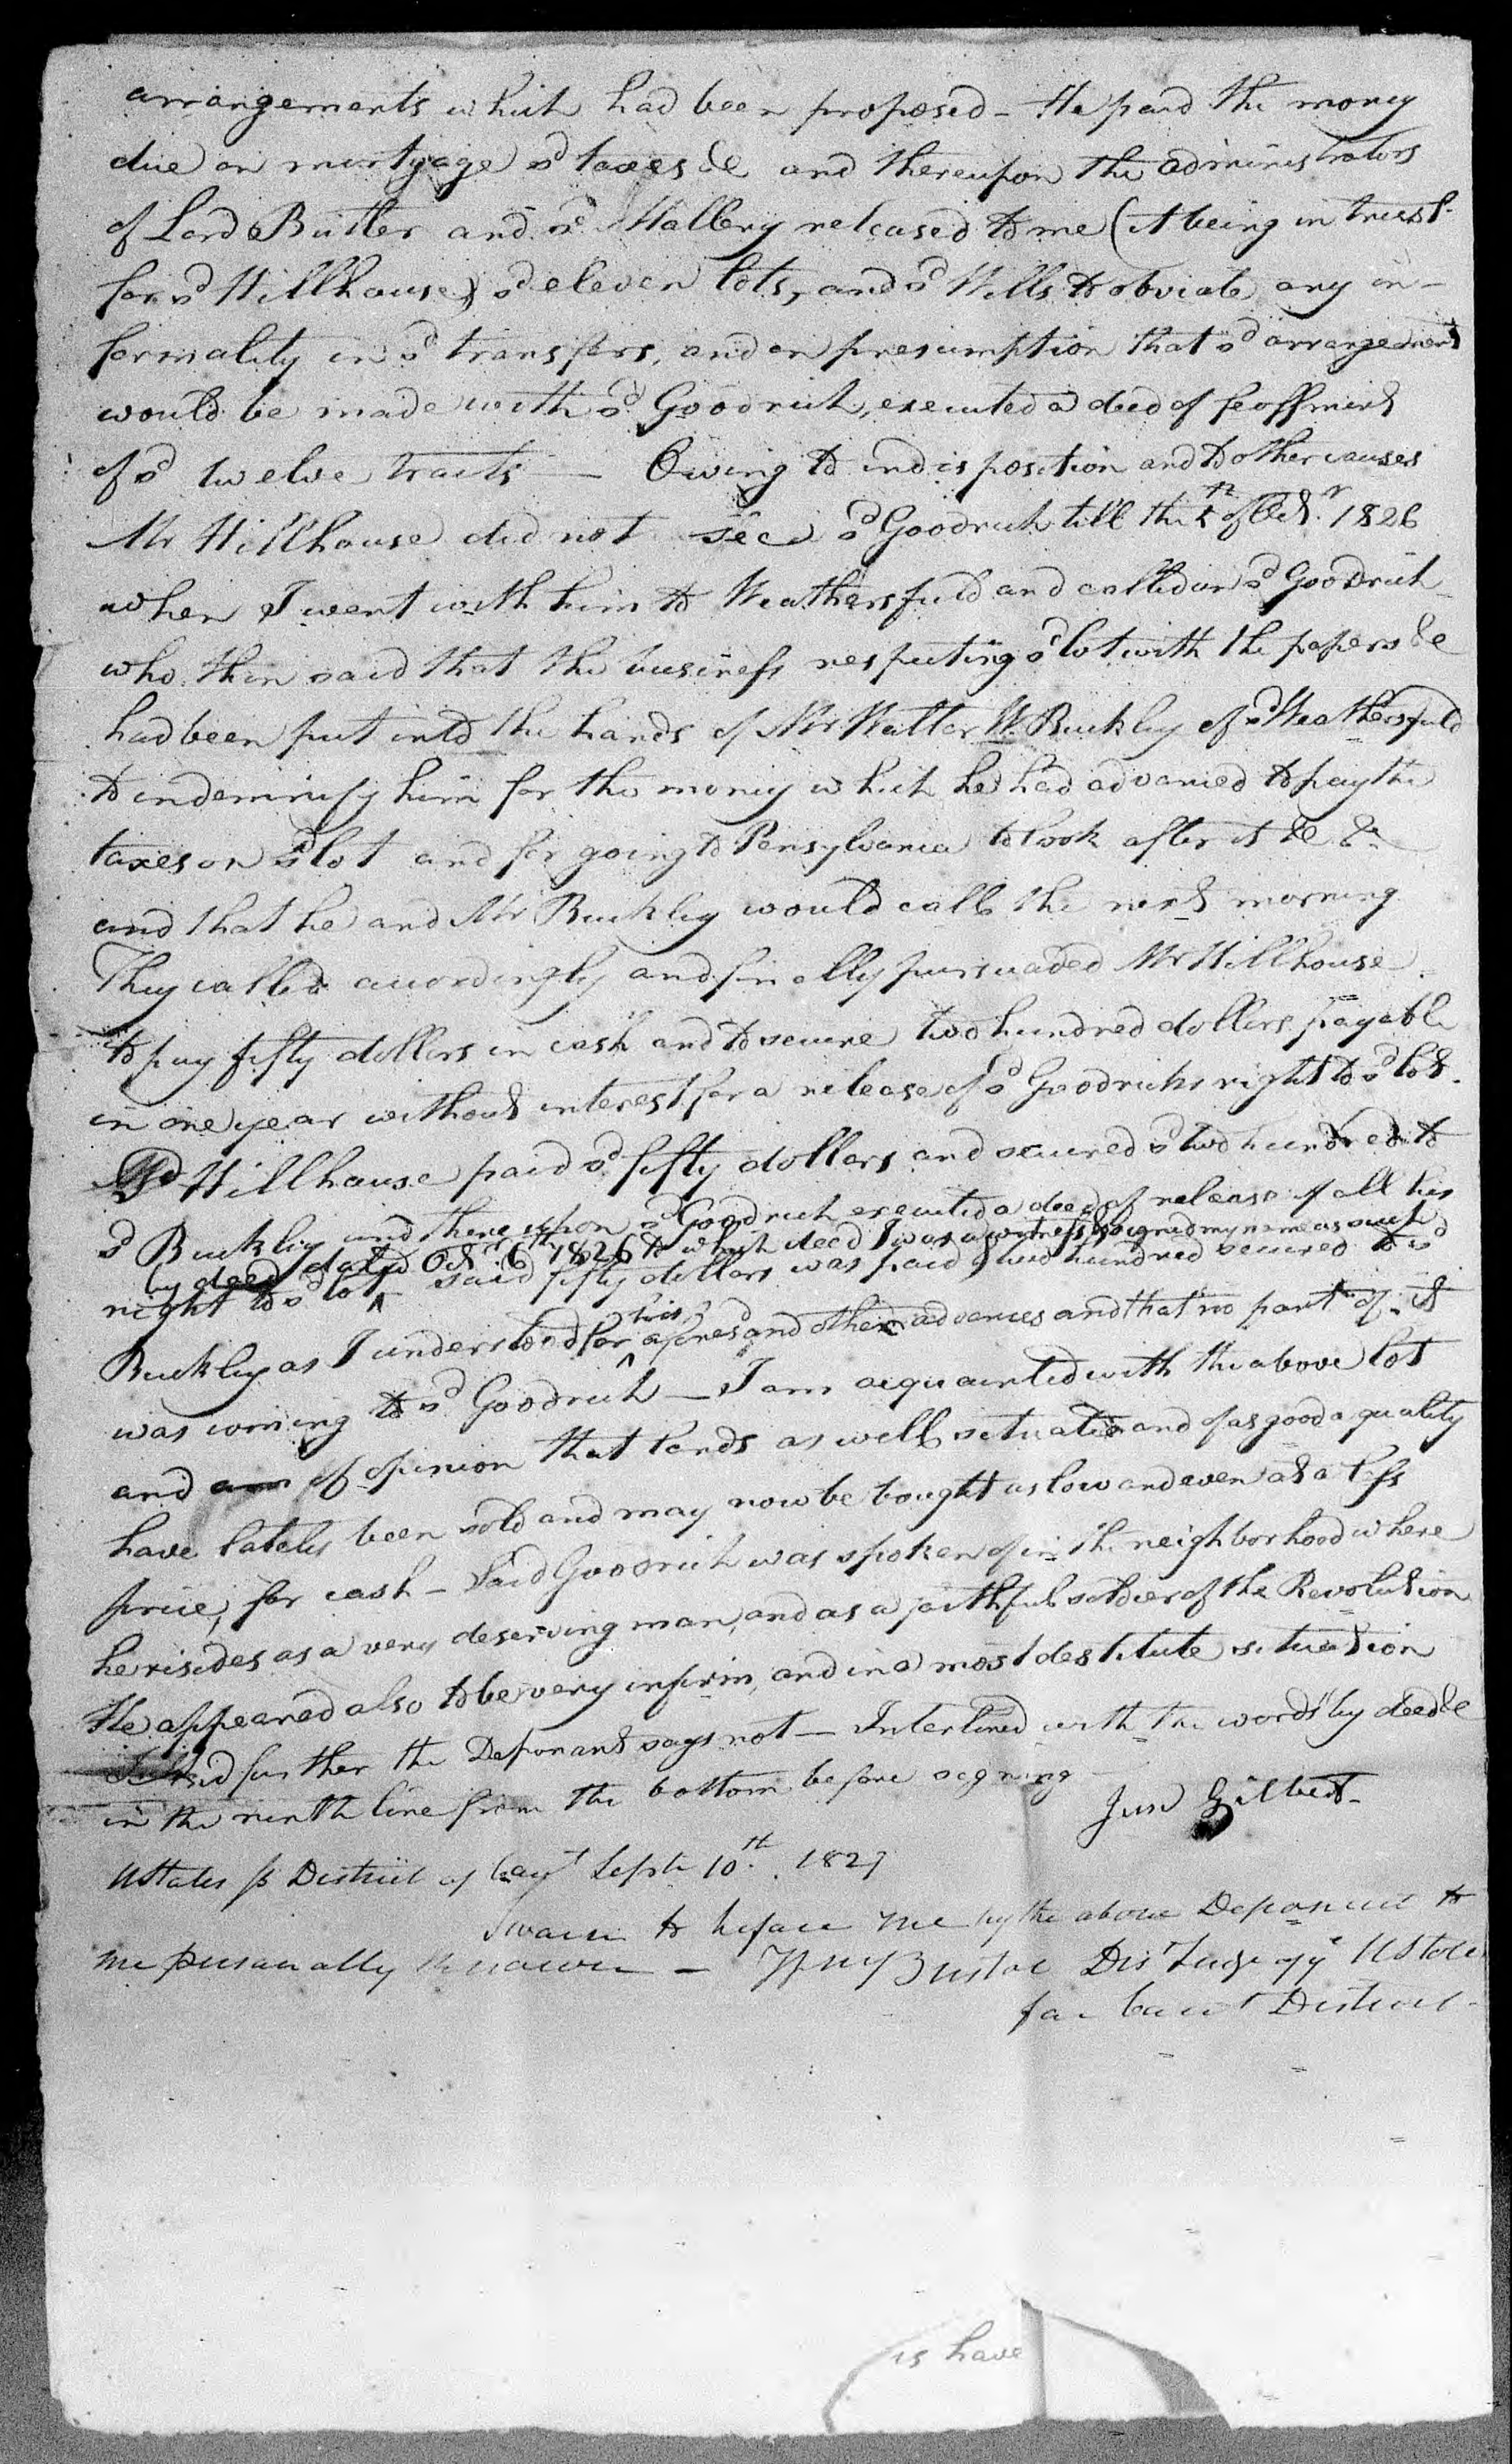arrangements which had been proposed. He paid the money due on mortgage, said taxes due and therefor the administrator of Lord Butler and said Mallory released to me (it being in trust for said Hillhouse) seven lots, and said Wells to obviate any on formality in said transfers, and on presumption that said arrangement would be made with said Goodrich, executed a deed of [illegible] of said twelve tracts.

Owing to indisposition and to other cause, Mr. Hillhouse did not secure said Goodrich til that12 of Oct when I went with him to Wethersfield and called on said Goodrich who then said that the business respecting said lot with the papers he had been put into the hands of Mr. Waltor W. Buckley of Wetherfield to indemnify him for the money which he had advanced to pay the taxes on said lot and for going to Pennsylvania to look after it &c. And that he had Mr. Buckley would call the next morning. They called accordingly and finally persuaded Mr. Hillhouse to pay fifty dollars in cash and to secure two hundred dollars payable in one year without interest for a release of said Goodrichs rights to said lots.

Mr. Hillhouse paid said fifty dollars and secured said two hundred to said Buckley and thereupon said Goodrich executed a deed of release of any right to said lot, by deed dated Oct 6th 1826, to which deed I was a witness and signed my name. Said fifty dollars was paid & two hundred secured to Buckley as I understood for his aforesaid and other advances and that no part  of it was coming to said Goodrich.

I am acquainted with the above lot and am of the opinion that lands as well situated and of as good a quality have lately been sold and may now be bought as low and even at a less price for cash.

Said Goodrich was spoken of in the neighborhood where he resides as a very deserving man, and as a faithful soldier of the Revolution. He appeared also to be very infirm, and in a most destitute situation. And further the deponent says not.

Interlined with the words in the ninth line from the bottom before signing.
Jesse Gilbert

U. States Ss District of Cont Sept 10th 1827
Sworn to before me by the above deponent to me personally known.
Wm Bristor, Dist Judge of U. States for Cont District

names: Goodrich, Goodrich, Goodrich, Hillhouse, Wm Bristor, Walter W Buckley, Jesse Gilbert, Buckley, Hillhouse, Hillhouse, Goodrich, Wells, Goodrich, Buckley, Goodrich, Hillhouse, Butler, Mallery, Goodrich, Buckley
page: 25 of 46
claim: survivor's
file: S. 36,556, Ichabod Goodrich, Conn.